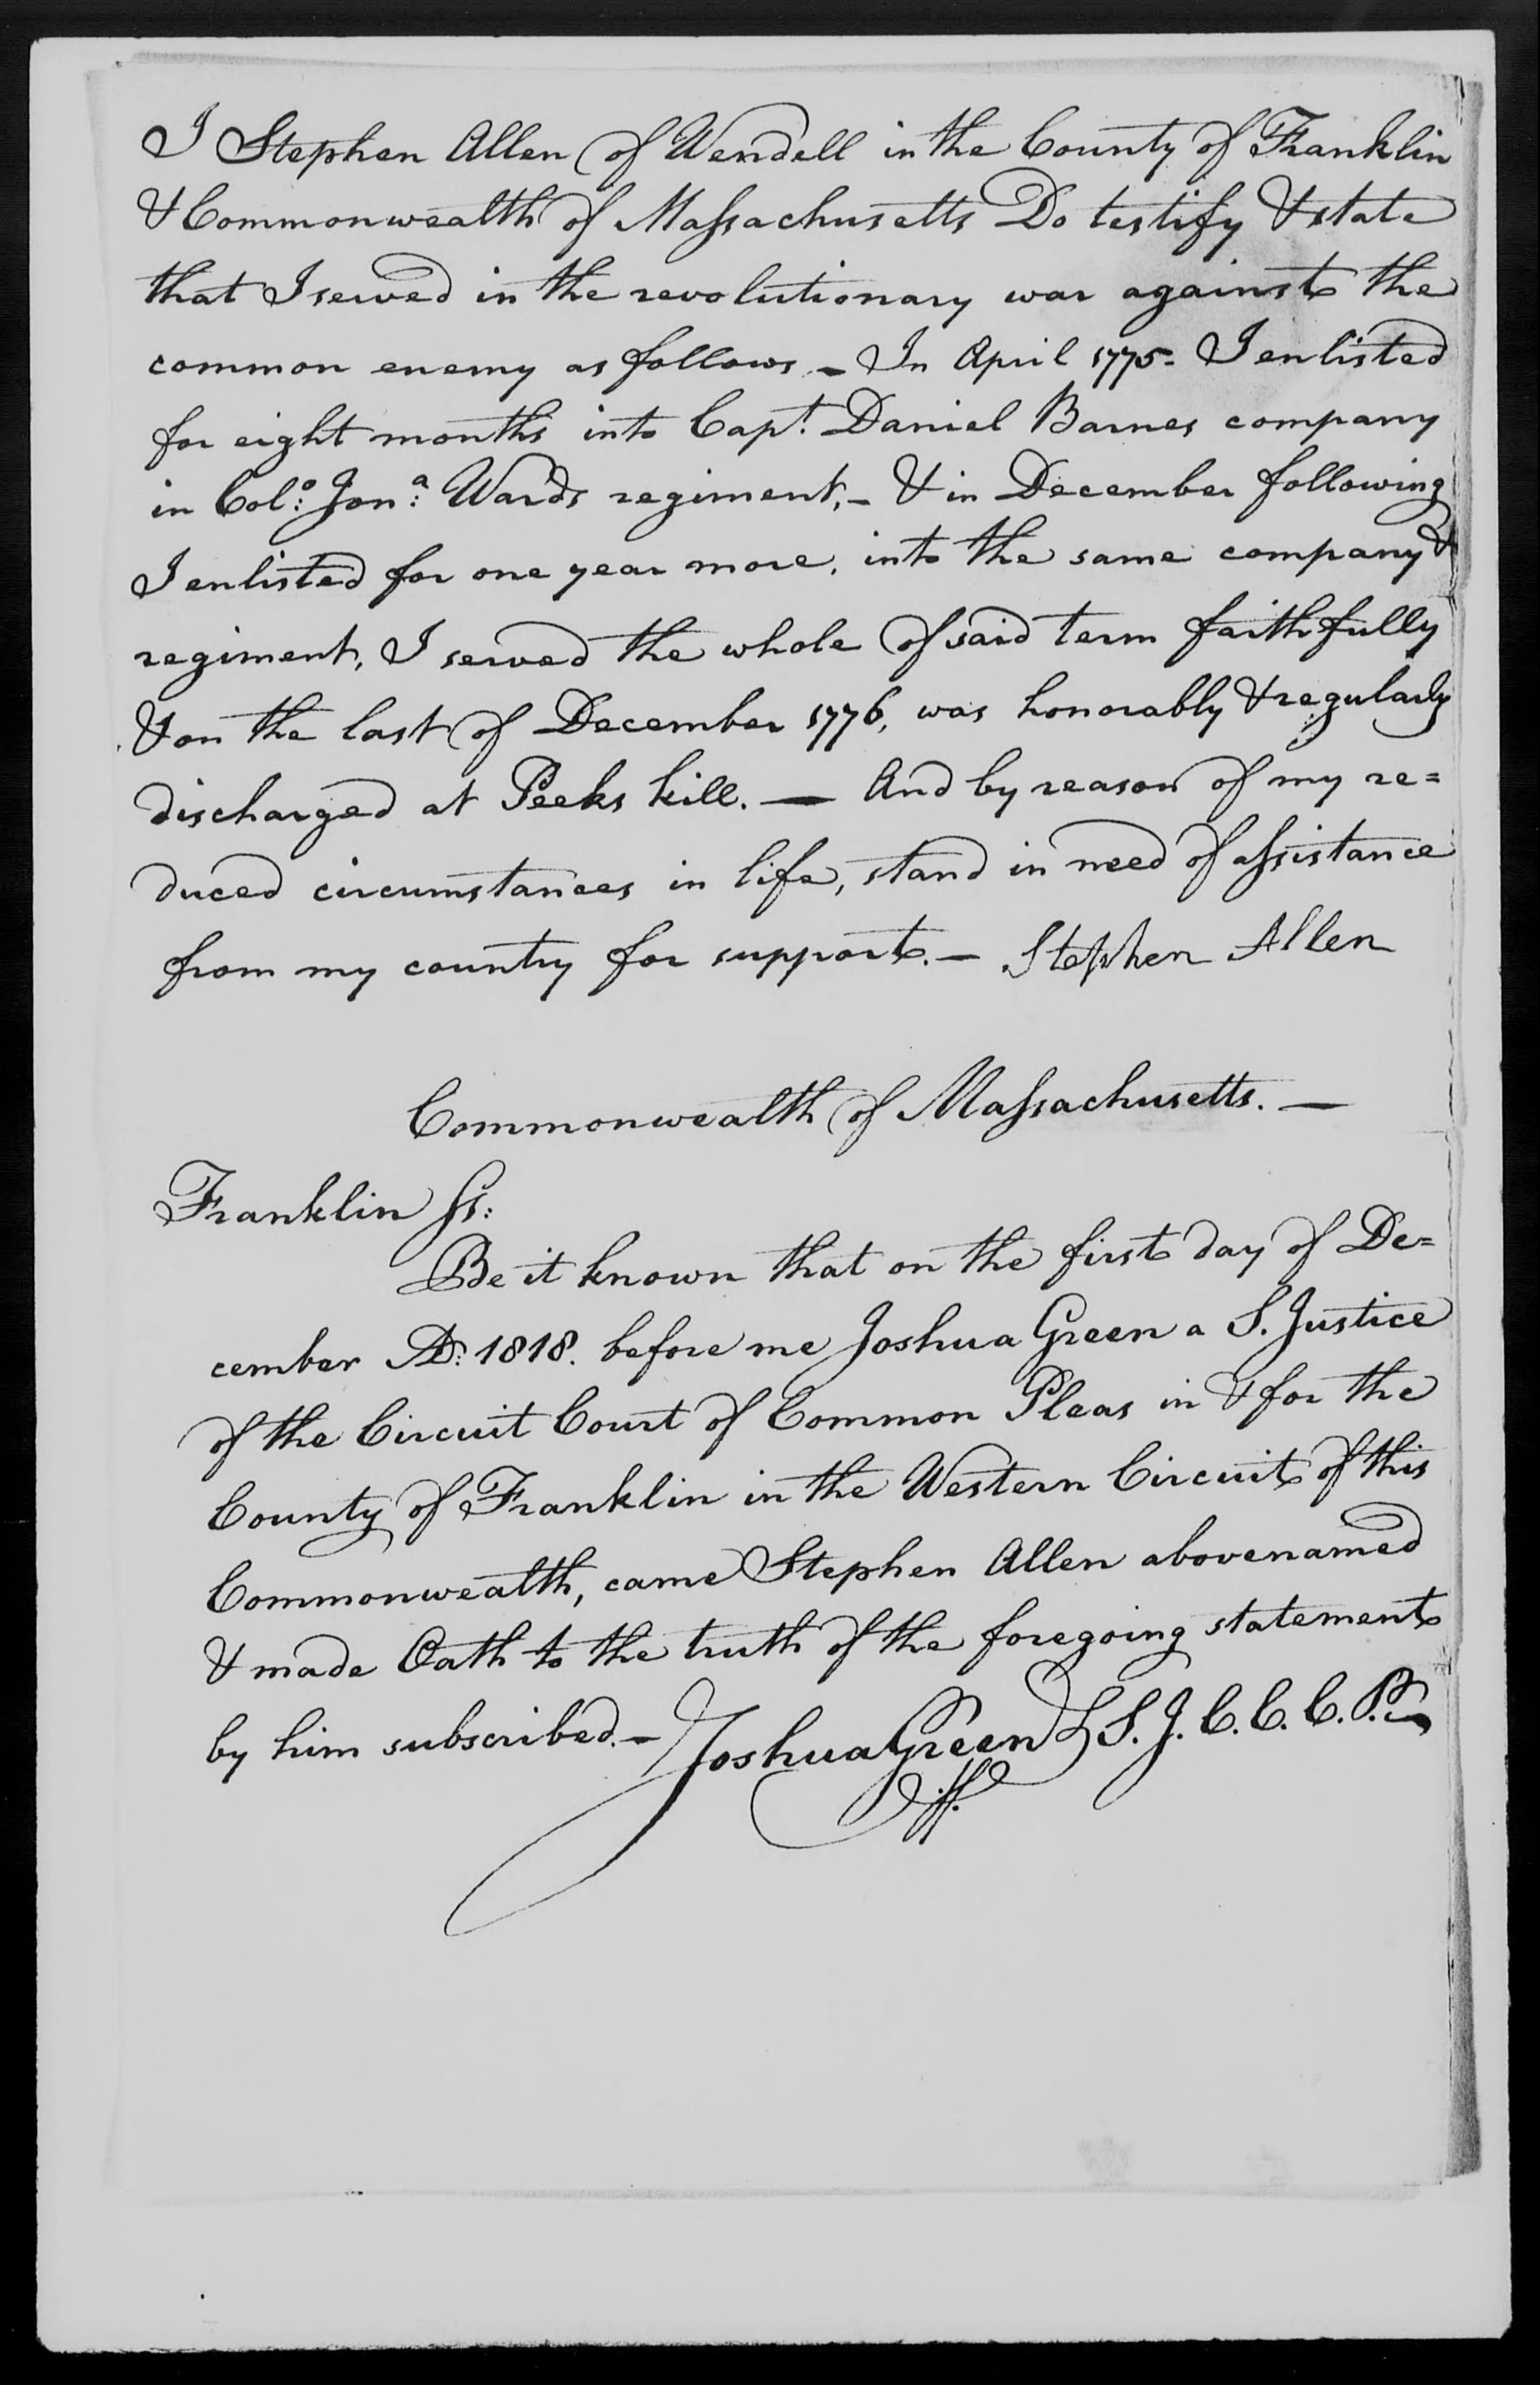I Stephen Allen of Wendall in the County of Franklin & Commonwealth of Massachusetts Do testify & state that I served in the revolutionary war against the common enemy as follows. In April 1775. I enlisted for eights months into Capt. Daniel Barnes company in Col. Jon Wands regiment, & in December following I enlisted for one year more into the same company & regiment. I served the whole of said term faithfully & on the last of December 1776, was formally & regularly discharged at Peeks hill. And by reason of my (illegible) circumstances in life, stand in need of assistance from my county for support. Stephen Allen

Commonwealth of Massachusetts 
Franklin fa:
Be it known that on the first day of December  1818. Before me Josue Green a S. Justice of the Circuit Court of Common Please in & for the County of Franklin in the Western Circuit of this Commonwealth, came Stephen Allen abovenamed & made Oath to the truth of the foregoing statement by him subscribed. Joshua Green S. J. C. C. C. P.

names: Stephen Allen, Stephen Allen, Joshua Green, Joshua Green, Stephen Allen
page: 5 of 30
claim: widow's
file: W. 23430., Stephen Allen, Continental Mass.